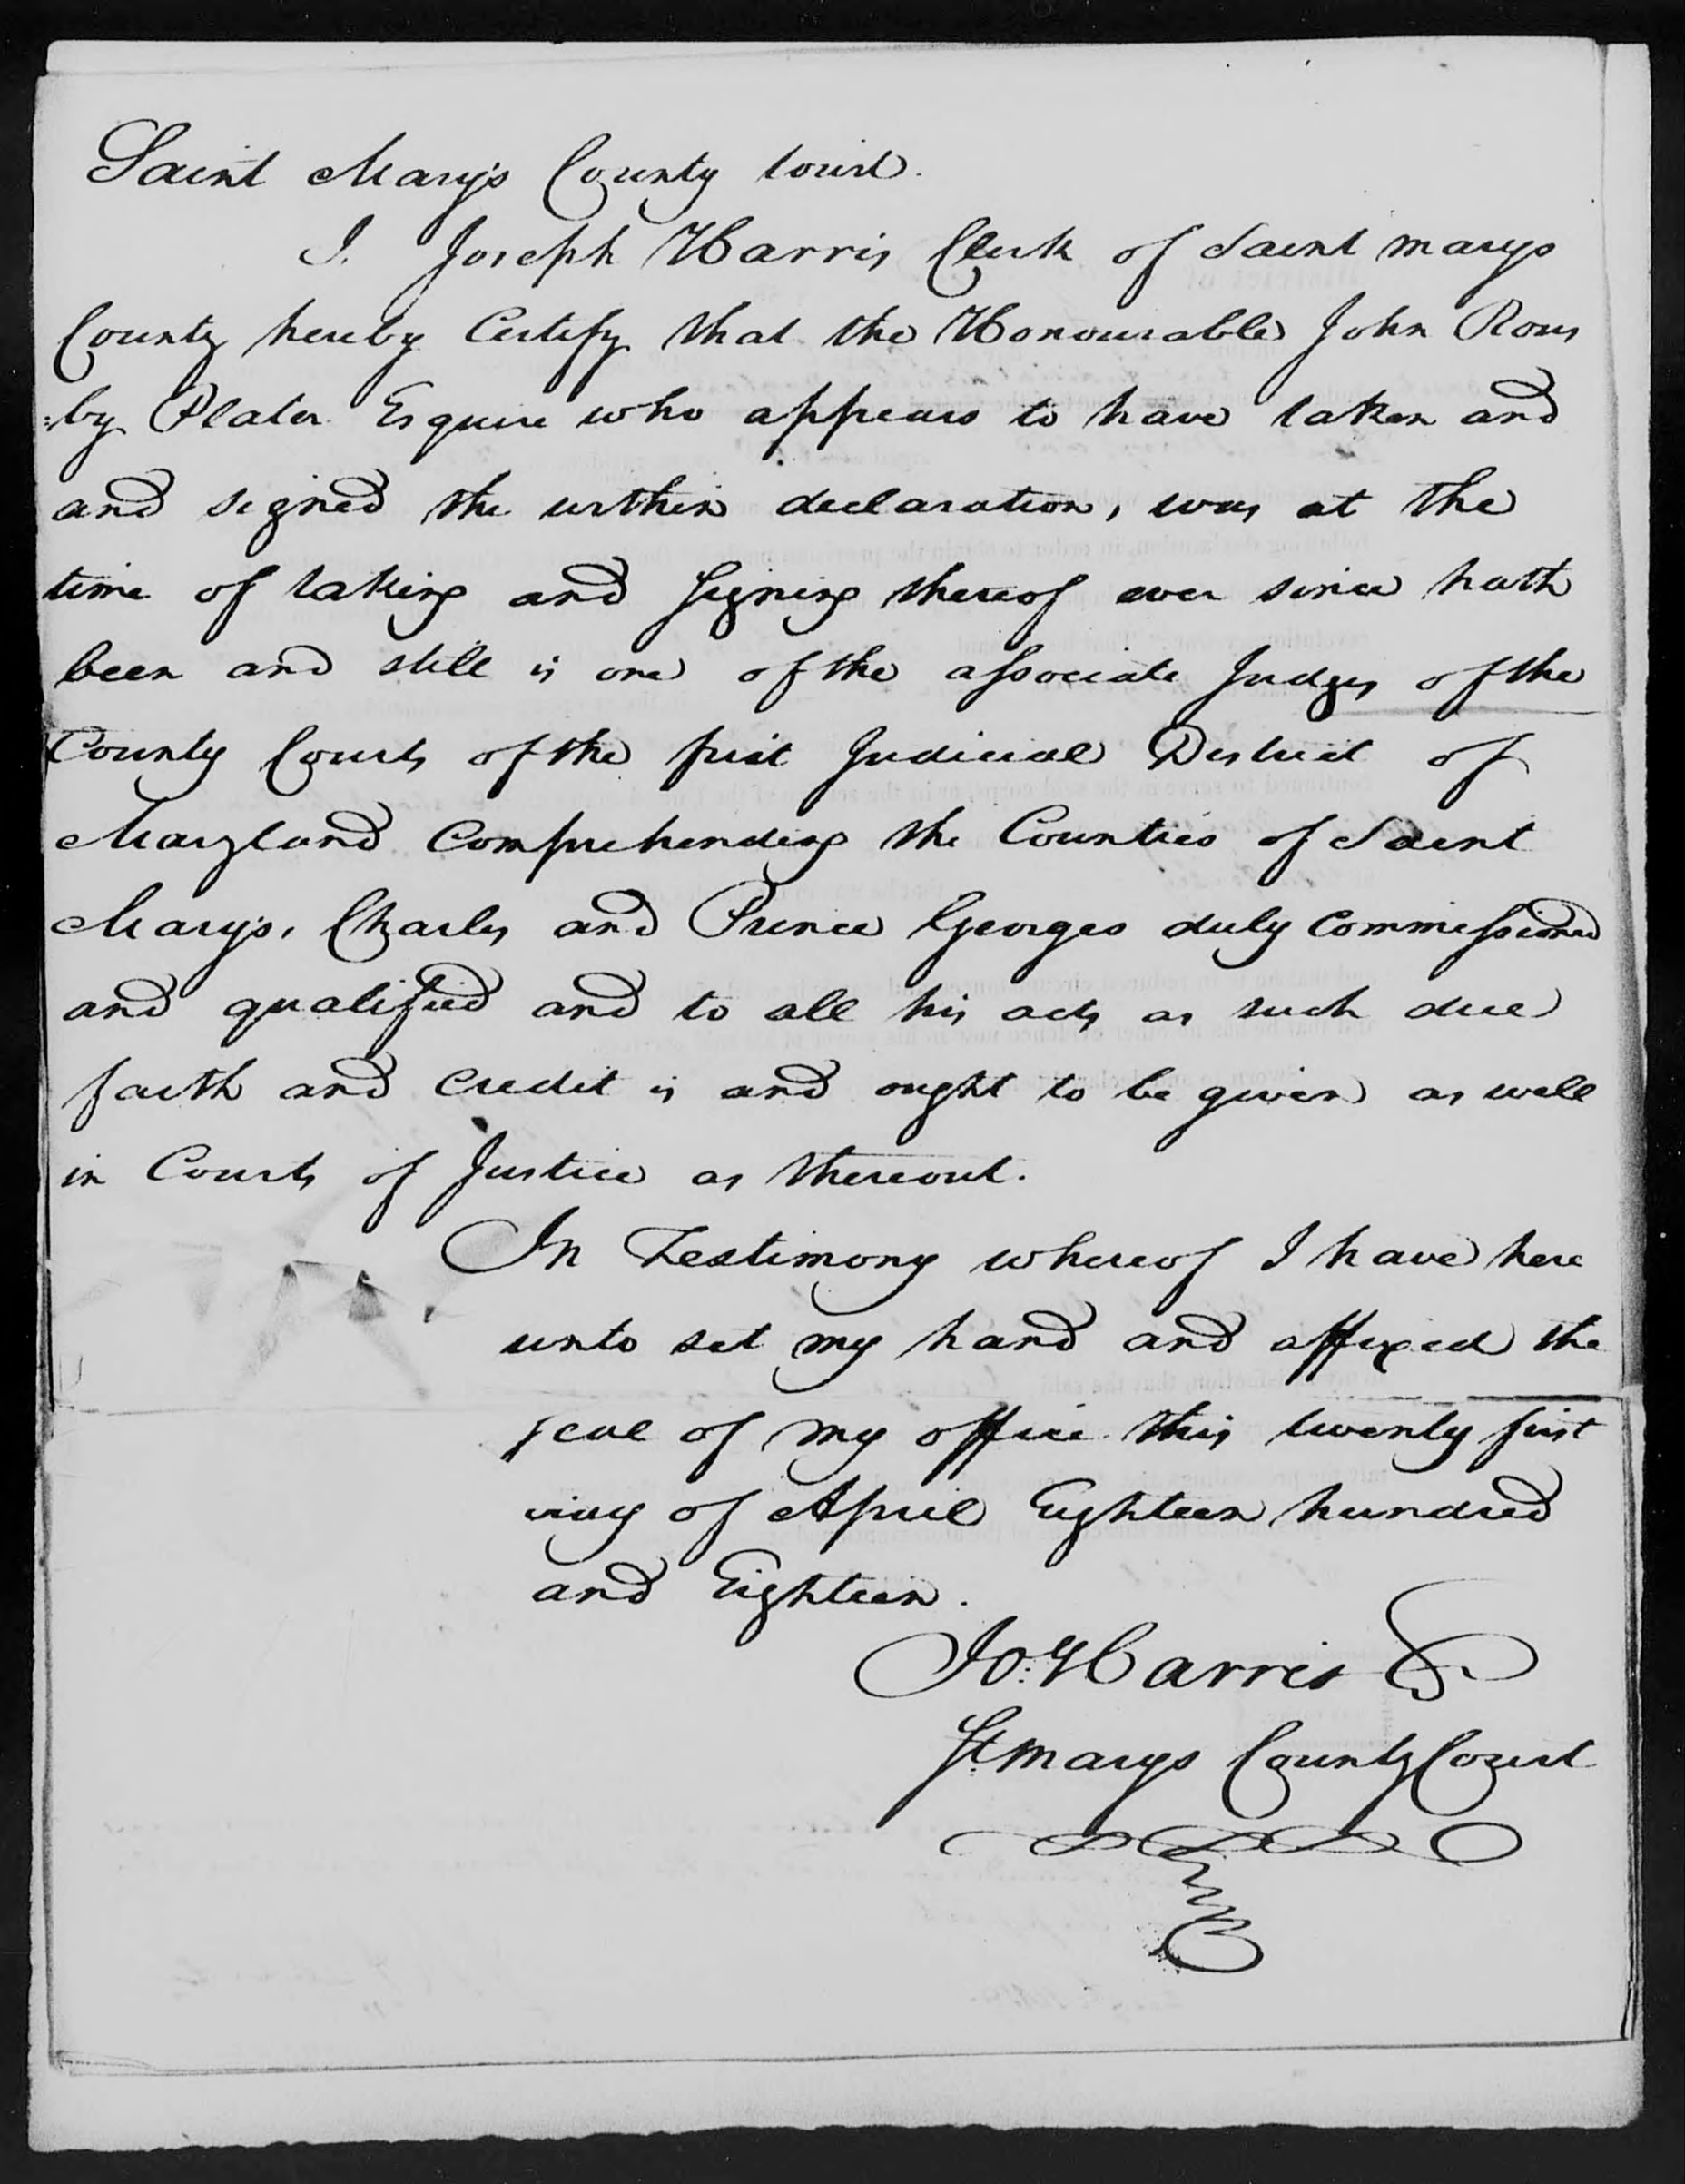Saint Mary's County to wit
I Joseph Harris Clerk of Saint Mary's county hereby certify that the honorable John Rousby Plater Esquire who appears to have taken and signed the within declaration was at the time of taking and signing thereof ever since hath been and still is one of the associate judges of the county court of the first judicial district of Maryland comprehending the counties of Saint Mary's, Charles and Prince Georges duly commissioned and qualified and to all his acts as such due faith and credit is and ought to be given in court of justice as thereout.

In testimony whereof I have here unto set my hand and affixed the seal of my office this twenty first day of April eighteen hundred and eighteen.

Jo Harris - Clerk
St Mary's county court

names: Joseph Harris, John Rousby Plater, Prince George, Jo Harris, Charles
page: 48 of 49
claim: survivor's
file: S. 12755, George Dent, Md.